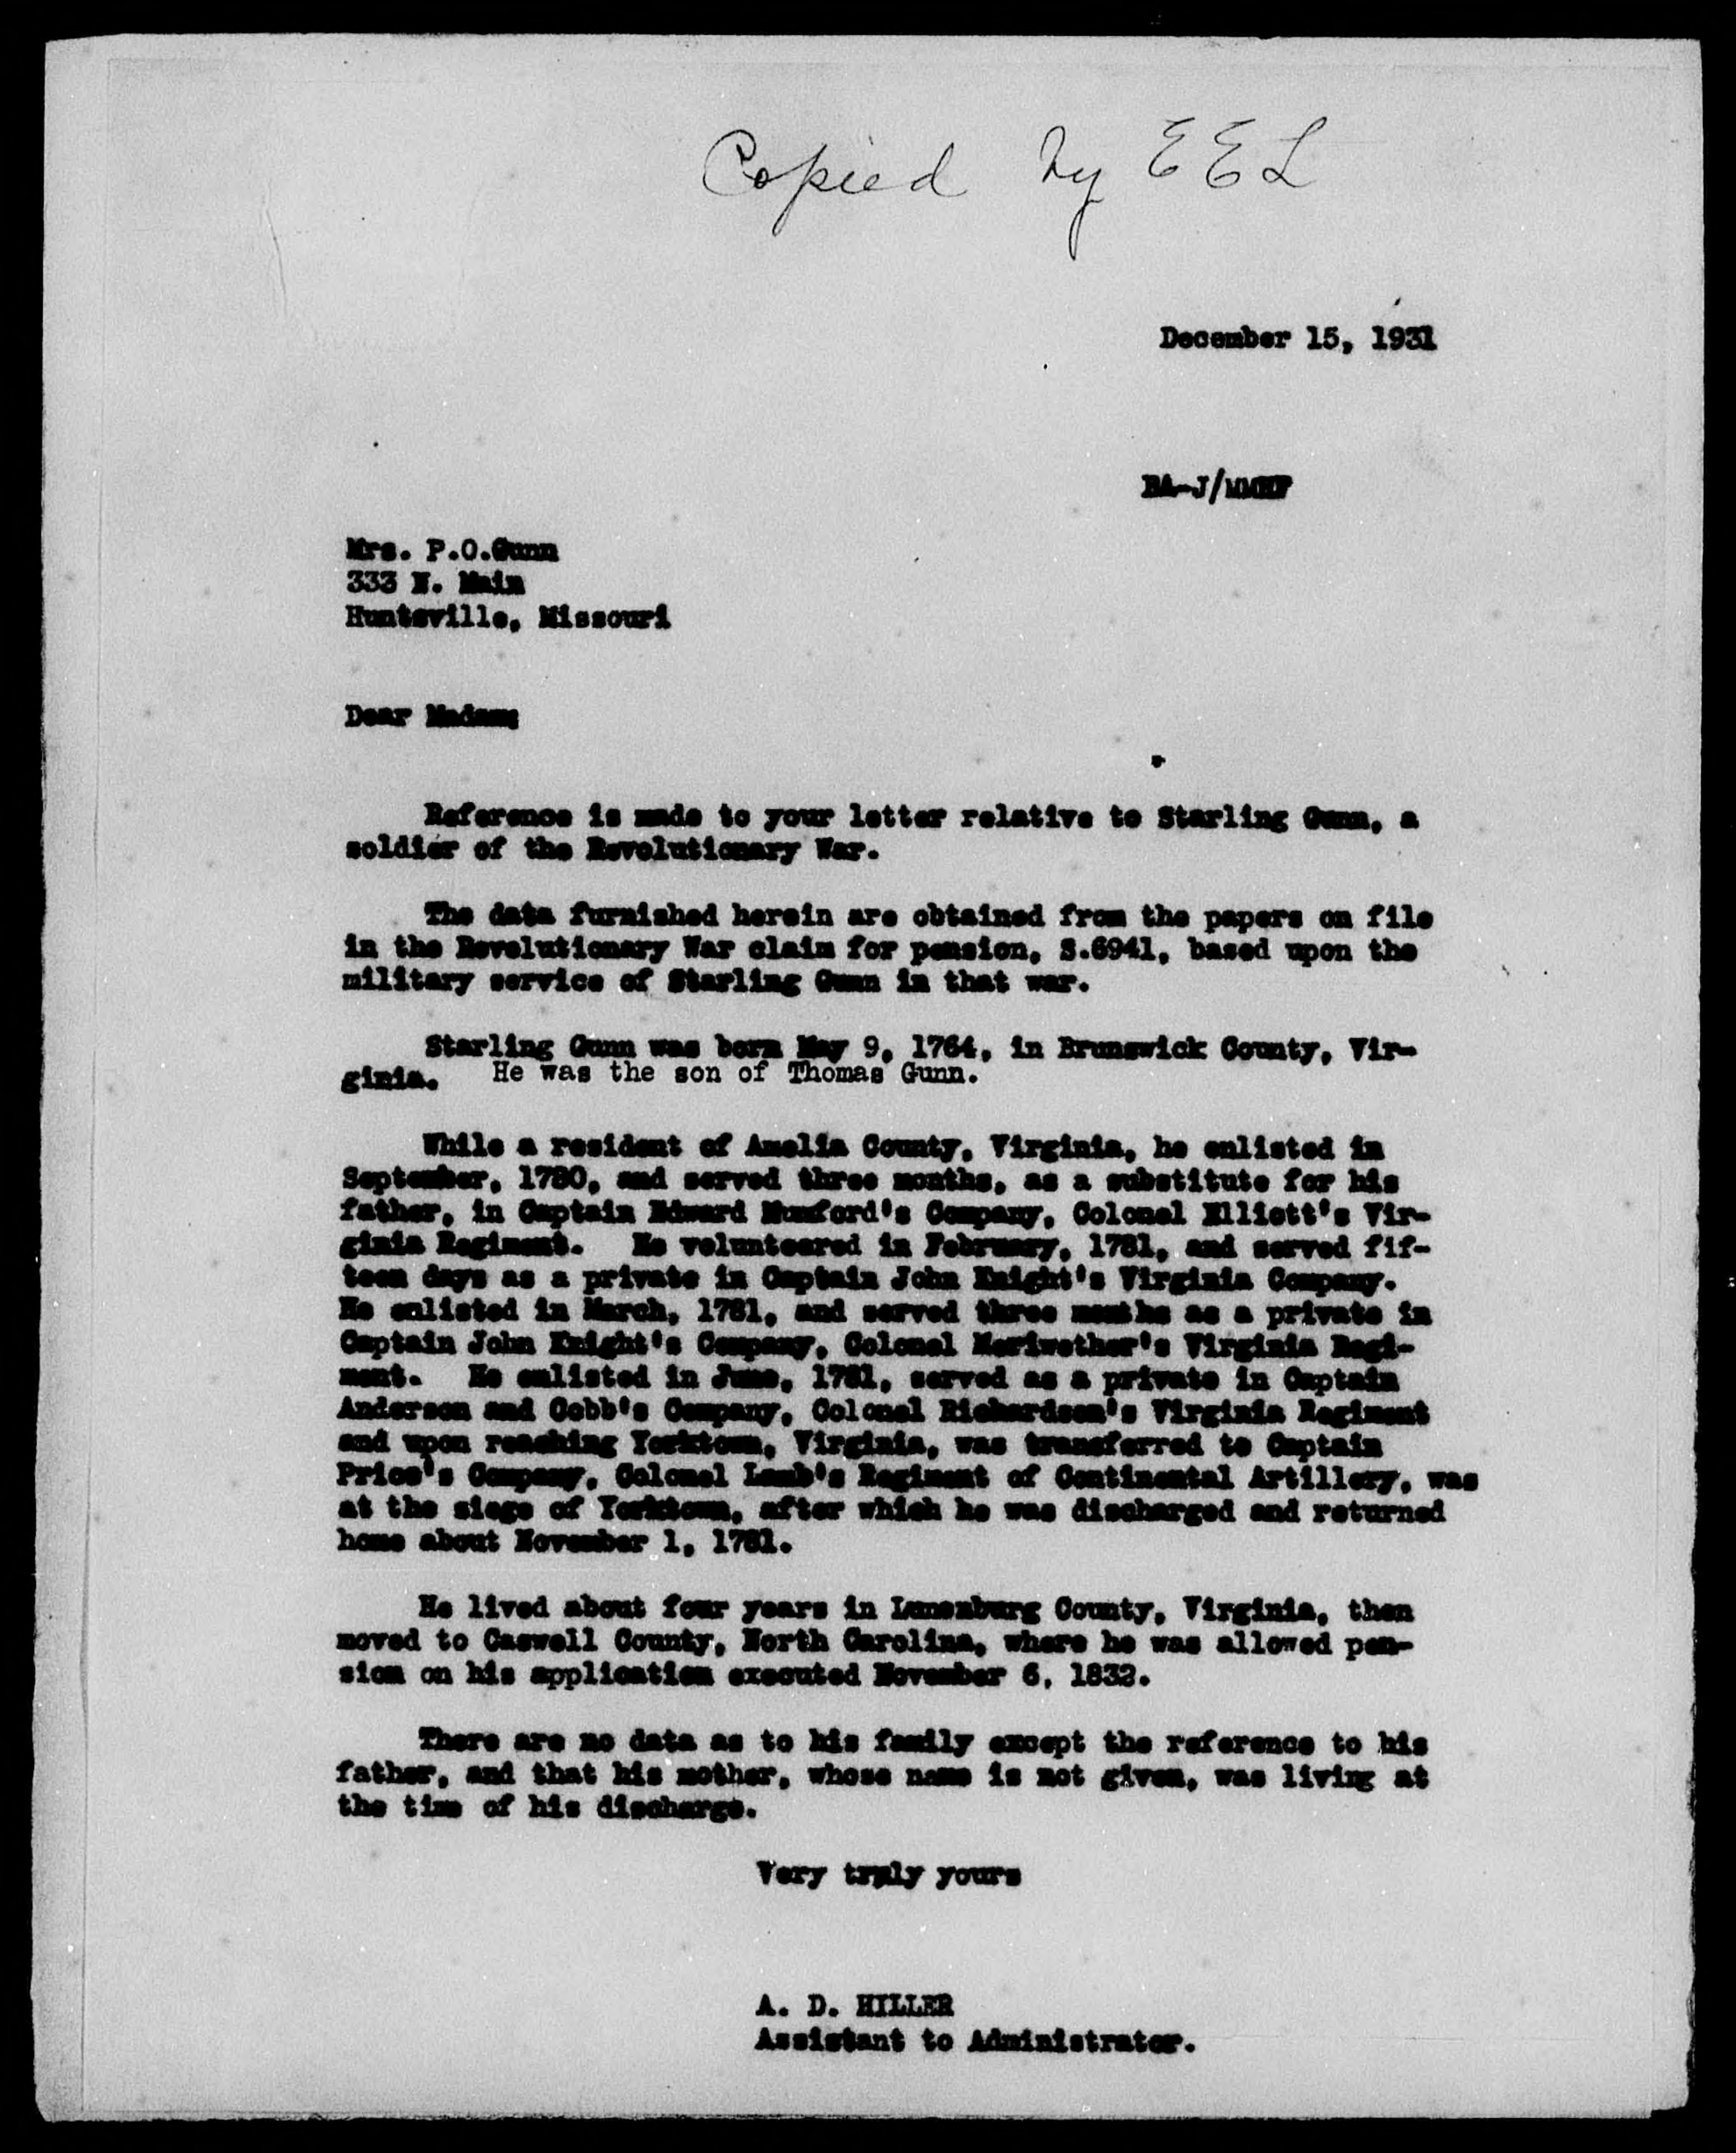[Note:] Copied by EEL
December 15, 1931  BA-J/MMRF
Mrs. P. O. Gunn  333 E. Main Huntsville, Missouri 
Dear Madam:  Reference is made to your letter relative to Starling Gunn, a soldier of the Revolutionary War. 
The data furnished herein are obtained from the papers on file in the Revolutionary War claim for pension, S.3941, based upon the military service of Starling Gunn in that war. 
Starling Gunn was born May 9, 1764 in Brunswick County, Virginia. He was the son of Thomas Gunn. 
While a resident of Amelia County, Virginia, he enlisted in September, 1780, and served three months, as a substitute for his father, in Captain Edward Buford's Company, Colonel Elliott's Virginia Regiment. He volunteered in February, 1781, and served fifteen days as a private in Captain John Wight's Virginia Company. He enlisted in March, 1781, and served three months as a private in Captain John Knight's Company, Colonel Meriwether's Virginia Regiment. He enlisted in June, 1781, served as a private in Captain Anderson and Cobb's Company, Colonel Richardson's Virginia Regiment and upon reaching Yorktown, Virginia, was transferred to Captain Price's Company, Colonel Lamb's Regiment of Continental Artillery, was at the siege of Yorktown, after which he was discharged and returned home about November 1, 1781. 
He lived about four years in Lunenburg County, Virginia, then moved to Caswell County, North Carolina, where he was allowed pension on his application executed November 6, 1832. 
There are no data as to his family except the reference to his father, and that his mother, whose name is not given, was living at the time of his discharge. 
Very truly yours 
A. D. HILLER 
Assistant to Administrator.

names: Thomas Gunn, Anderson, A D Hiller, P O Gunn, Starling Gunn, Starling Gunn, Starling Gunn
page: 26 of 58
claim: survivor's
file: S. 6,941, Starling Gunn, Continental Va.